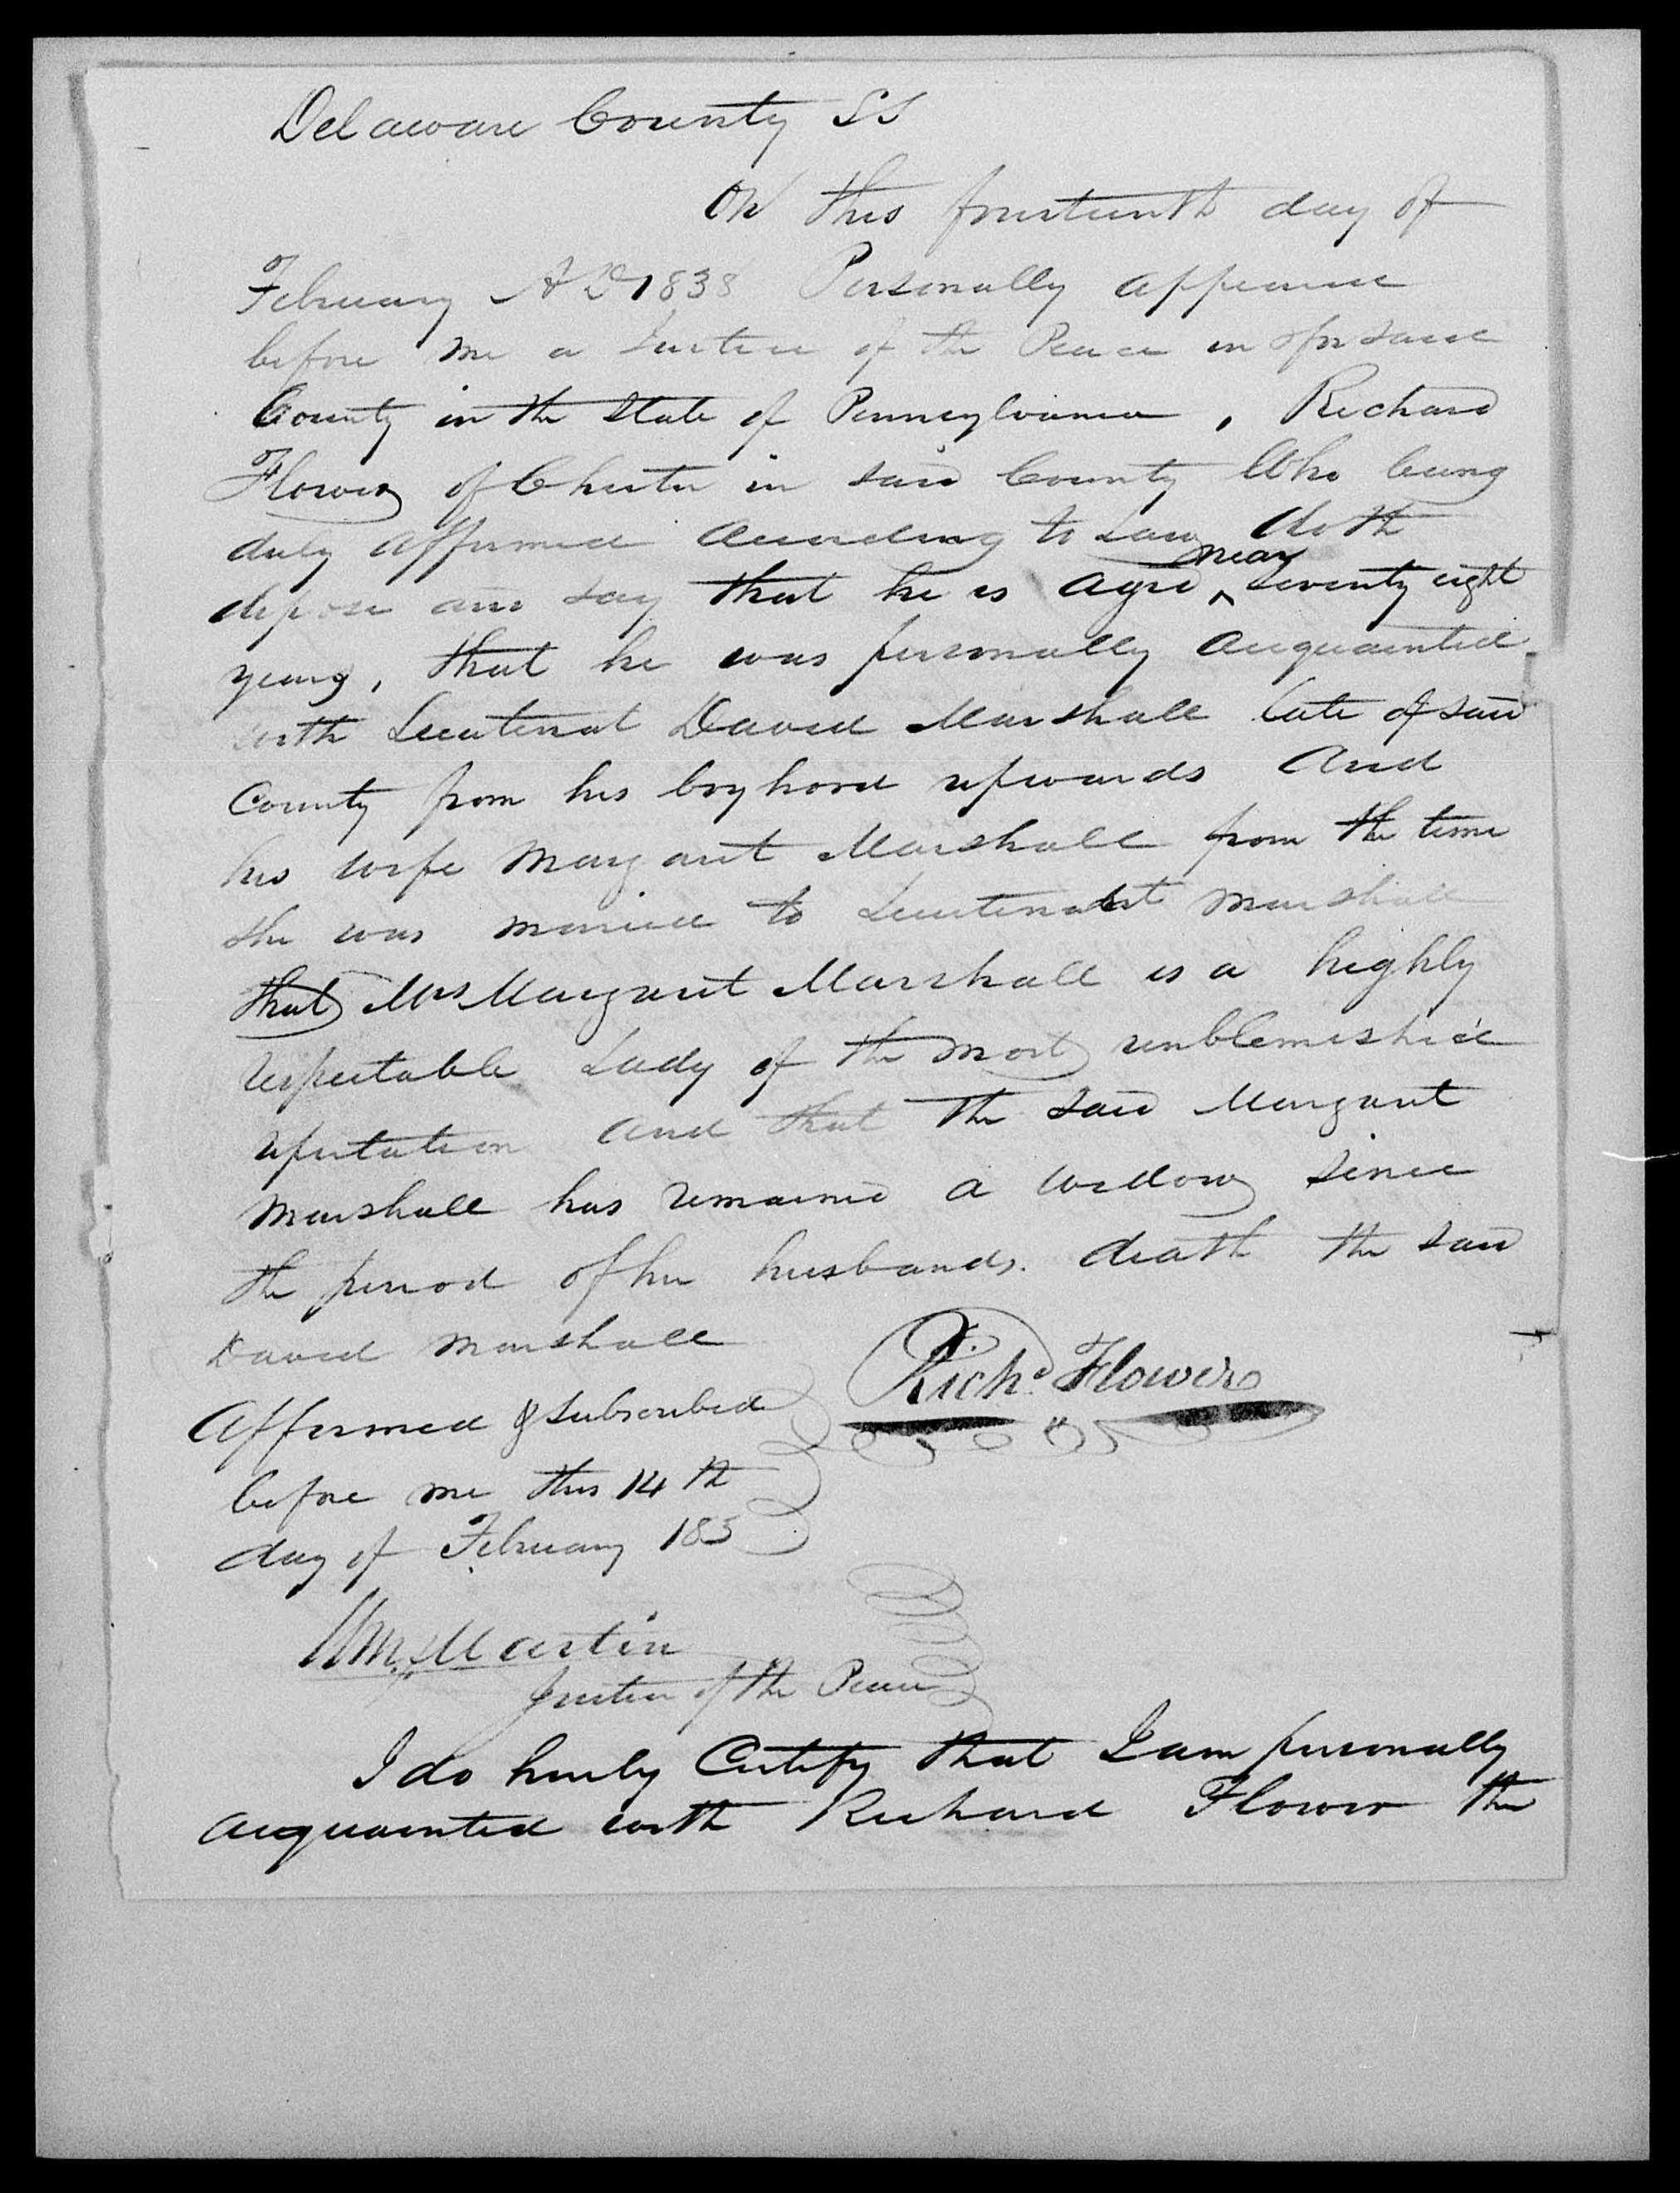Delaware County SS

On this fourteenth day of February AD 1838 Personally appeared before me a Justice of the Peace in forsaid County in the State of Pennsylvania, Richard Flower of Chester in said County who being duly affirmed according to law doth depose and say that he is aged near seventy eight years, that he was formally acquainted with Lieutenant David Marshall late of said county from his boy home upwards and his wife Margaret Marshall from the time she was married to Lieutenant Marshall. That Mrs Margaret Marshall is a highly reputable lady of the most unblemished reputation and that the said Margaret Marshall has remained a widow since the period of her husbands death the said David Marshall
Richd Flowers
Affirmed & subscribed before me this 14th day of February 1838
Wm Martin
Justice of the Peace
I do hereby certify that I am personally acquainted with Richard Flower the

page: 56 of 86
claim: widow's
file: W. 3571, for David Marshall, Pennsylvania